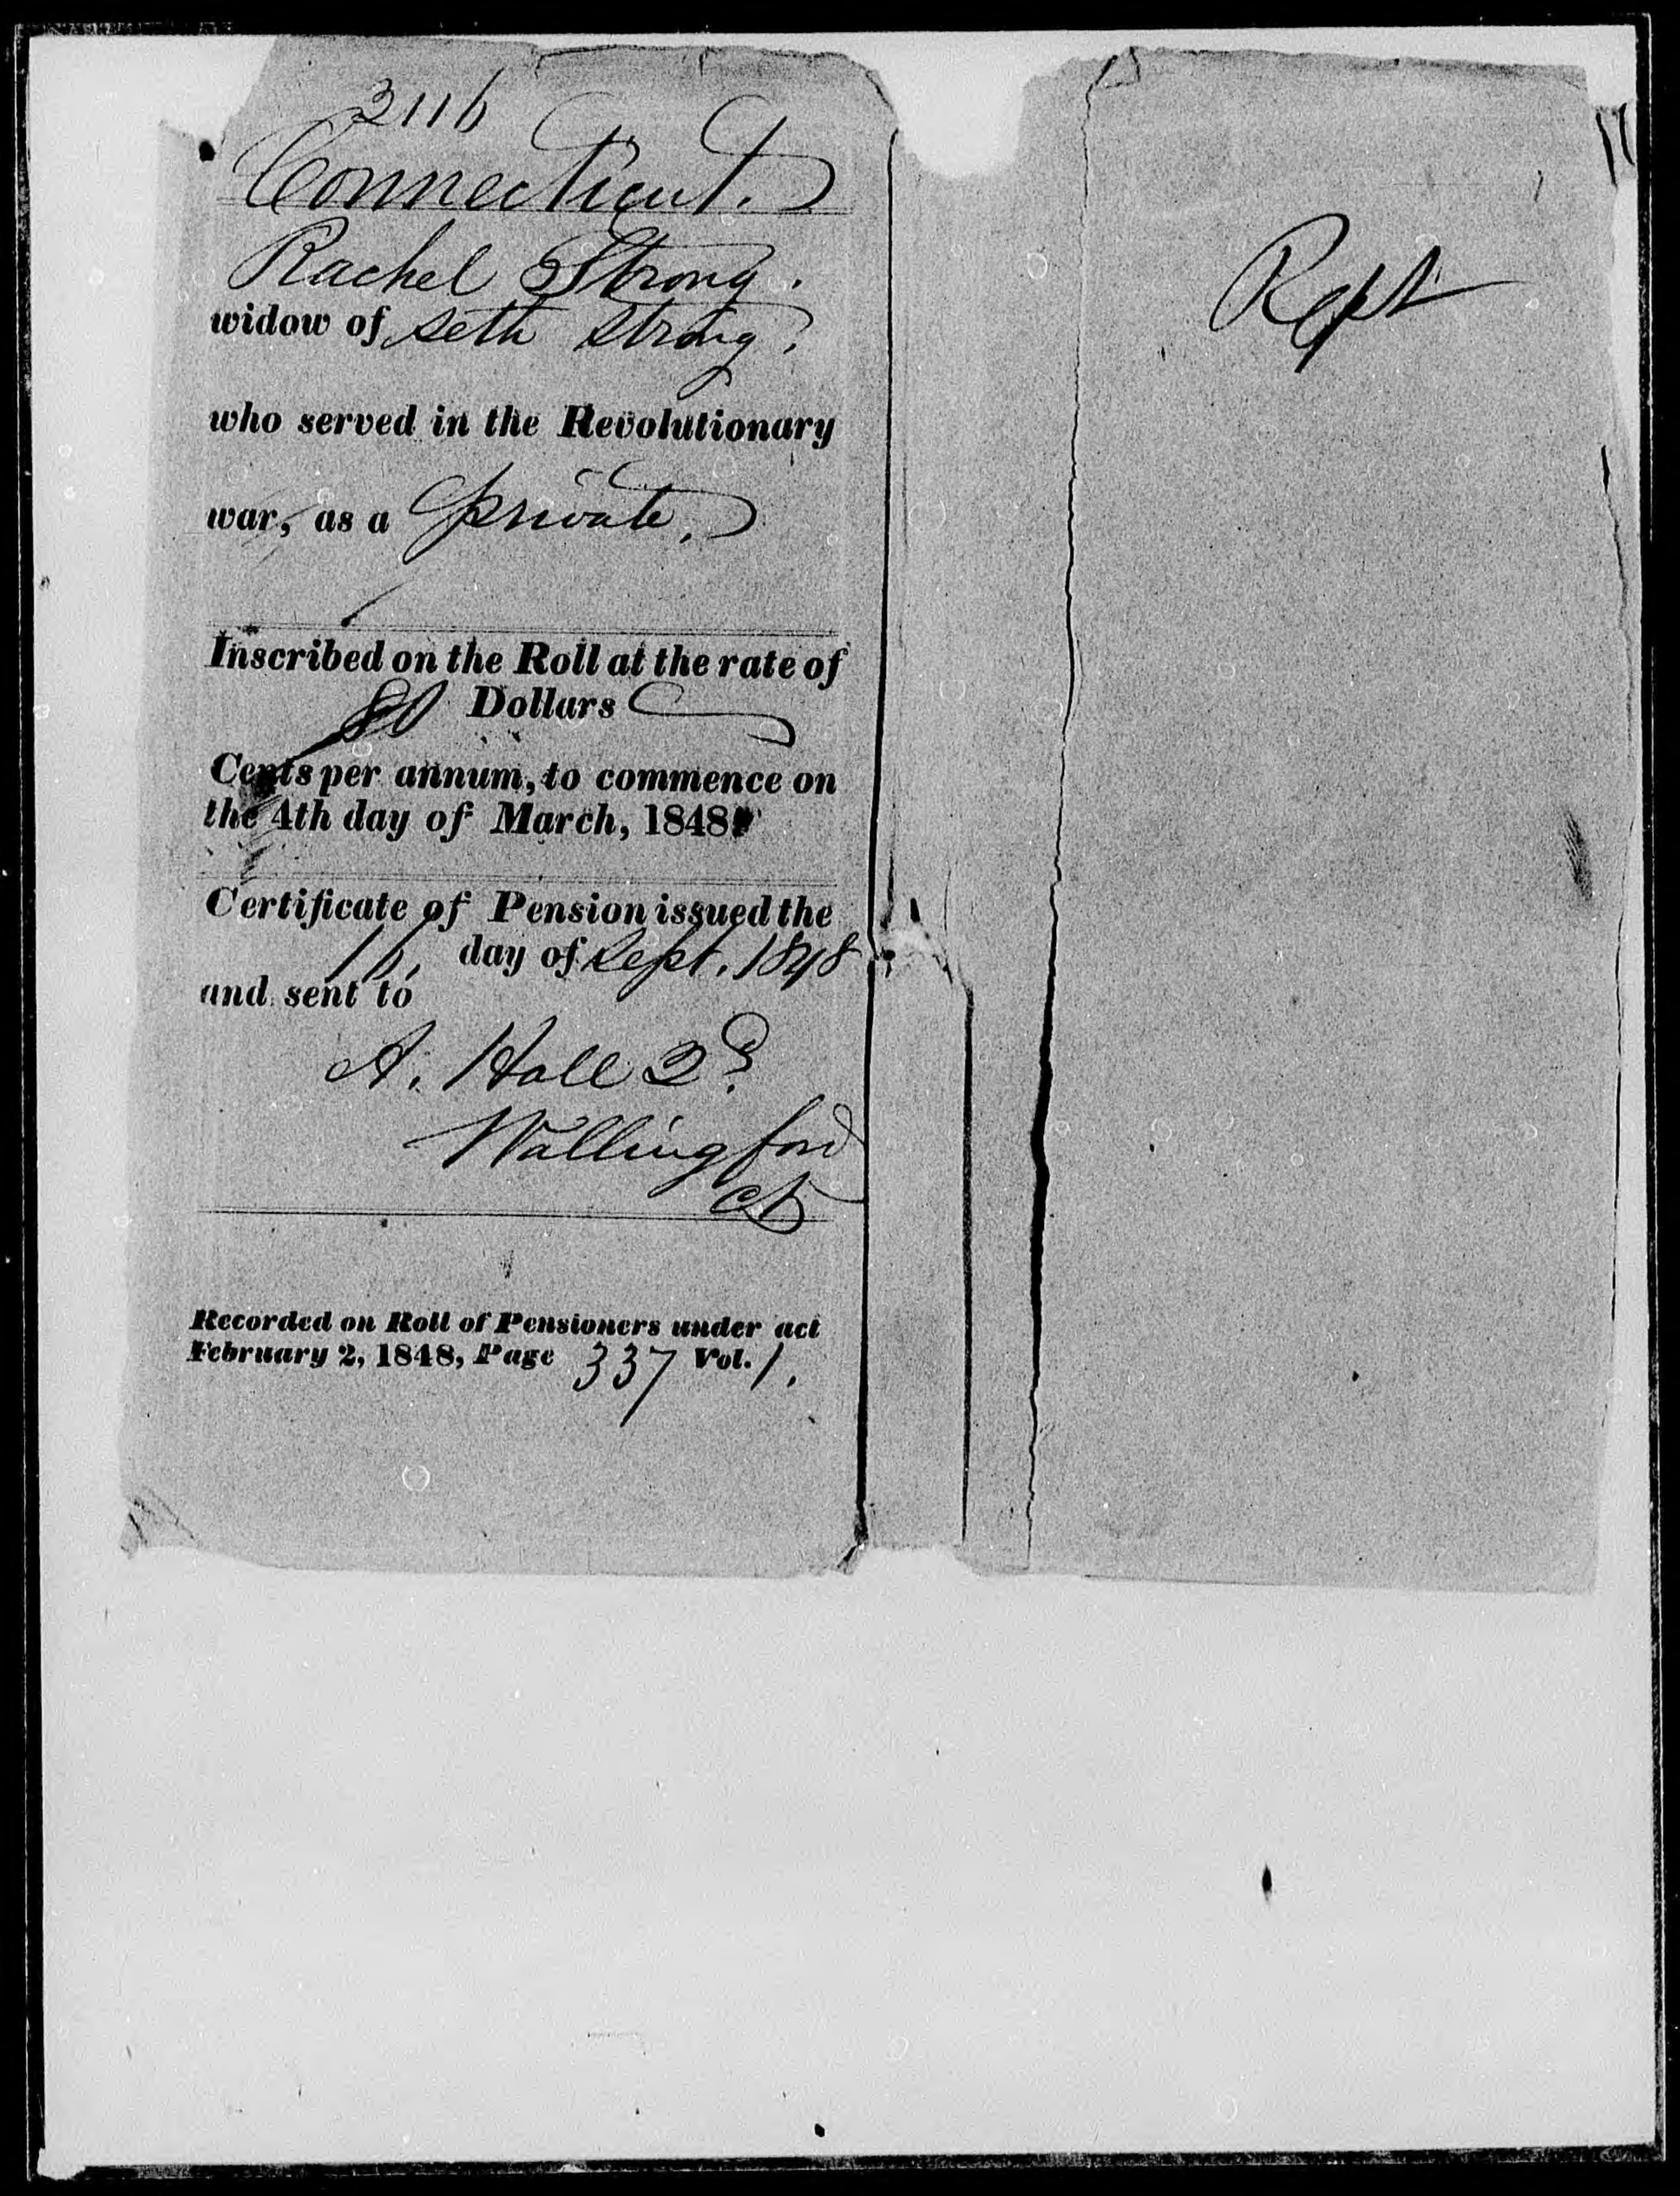3116

Connecticut

Rachel Strong,
widow of Seth Strong,
who served in the Revolutionary
war, as a private.

Inscribed on the Roll at the rate of 
80 Dollars - 
Cents per annum, to commence on
the 4th day of March, 1848

Certificate of Pension issued the
16 day of Sept. 1848
and sent to
A. Hall 3d
Wallingford
Ct

Recorded on Roll of Pensioners under act
February 2, 1848, Page 337 Vol. 1.

Rept.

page: 21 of 47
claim: widow's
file: W. 17879, for Seth Strong, Connecticut